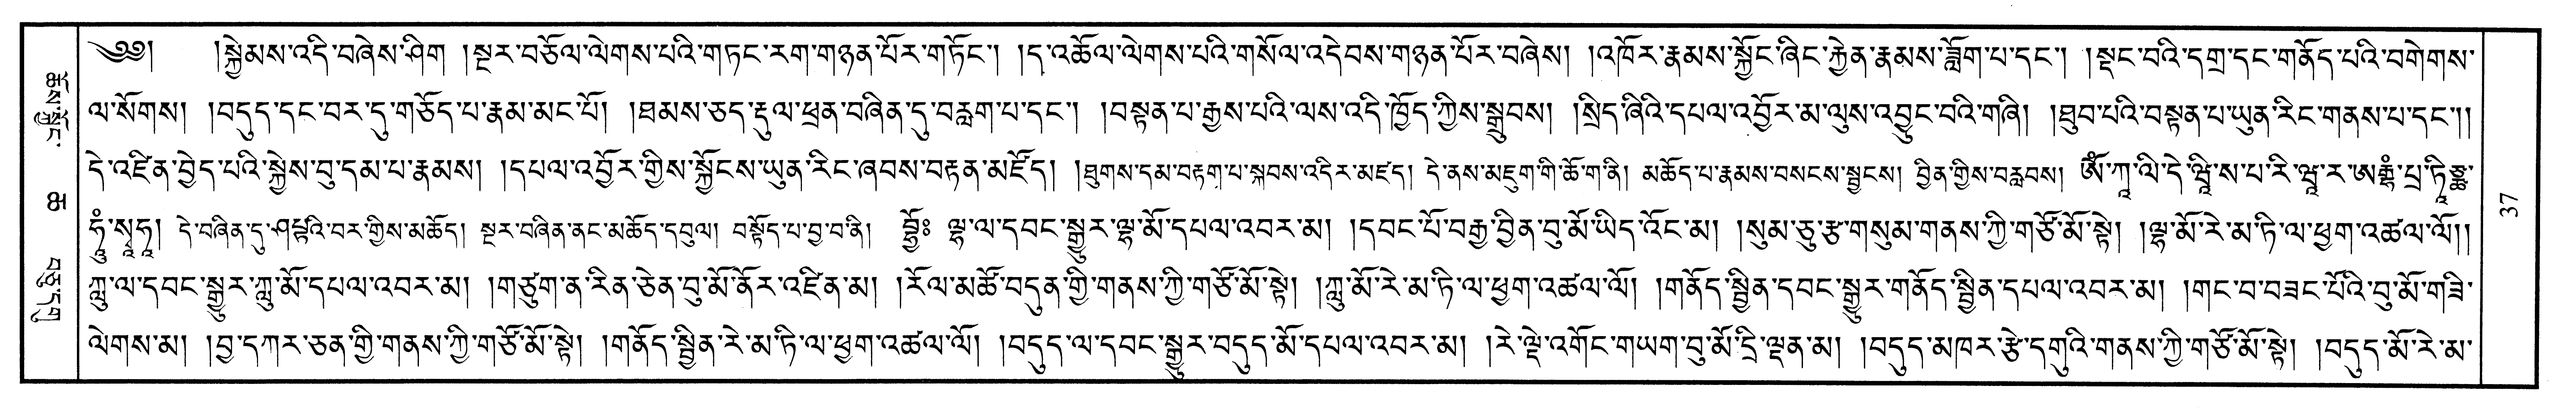༄༅། །སྐྱེམས་འདི་བཞེས་ཤིག །སྔར་བཅོལ་ལེགས་པའི་གཏང་རག་གཉན་པོར་གཏོང་། །ད་འཆོལ་ལེགས་པའི་གསོལ་འདེབས་གཉན་པོར་བཞེས། །འཁོར་རྣམས་སྐྱོང་ཞིང་རྐྱེན་རྣམས་ཟློག་པ་དང་། །སྡང་བའི་དགྲ་དང་གནོད་པའི་བགེགས་
ལ་སོགས། །བདུད་དང་བར་དུ་གཅོད་པ་རྣམ་མང་པོ། །ཐམས་ཅད་རྡུལ་ཕྲན་བཞིན་དུ་བརླག་པ་དང་། །བསྟན་པ་རྒྱས་པའི་ལས་འདི་ཁྱོད་ཀྱིས་སྒྲུབས། །སྲིད་ཞིའི་དཔལ་འབྱོར་མ་ལུས་འབྱུང་བའི་གཞི། །ཐུབ་པའི་བསྟན་པ་ཡུན་རིང་གནས་པ་དང།།
དེ་འཛིན་བྱེད་པའི་སྐྱེས་བུ་དམ་པ་རྣམས། །དཔལ་འབྱོར་གྱིས་སྐྱོངས་ཡུན་རིང་ཞབས་བརྟན་མཛོད། །ཐུགས་དམ་བརྟག་པ་སྐབས་འདིར་མཛད། དེ་ནས་མཇུག་གི་ཆོ་ག་ནི། མཆོད་པ་རྣམས་བསངས་སྦྱངས། བྱིན་གྱིས་བརླབས། ཨོཾ་ཀཱ་ལི་དེ་ཝཱི་ས་པ་རི་ཝཱ་ར་ཨརྒྷཾ་པྲ་ཏཱིཙྪ་
ཧཱུཾ་སྭཱཧཱ། དེ་བཞིན་དུ་ཤཔྟའི་བར་གྱིས་མཆོད། སྔར་བཞིན་ནང་མཆོད་དབུལ། བསྟོད་པ་བྱ་བ་ནི། བྷྱོཿ ལྷ་ལ་དབང་སྒྱུར་ལྷ་མོ་དཔལ་འབར་མ། །དབང་པོ་བརྒྱ་བྱིན་བུ་མོ་ཡིད་འོང་མ། །སུམ་ཅུ་རྩ་གསུམ་གནས་ཀྱི་གཙོ་མོ་སྟེ་།ལྷ་མོ་རེ་མ་ཏི་ལ་ཕྱག་འཚལ་ལོ།།
ཀླུ་ལ་དབང་སྒྱུར་ཀླུ་མོ་དཔལ་འབར་མ། །གཙུག་ན་རིན་ཅེན་བུ་མོ་ནོར་འཛིན་མ། །རོལ་མཚོ་བདུན་གྱི་གནས་ཀྱི་གཙོ་མོ་སྟེ། །ཀླུ་མོ་རེ་མ་ཏི་ལ་ཕྱག་འཚལ་ལོ། །གནོད་སྦྱིན་དབང་སྒྱུར་གནོད་སྦྱིན་དཔལ་འབར་མ། །གང་བ་བཟང་པོའི་བུ་མོ་གཟི་
ལེགས་མ། །བྱ་དཀར་ཅན་གྱི་གནས་ཀྱི་གཙོ་མོ་སྟེ། །གནོད་སྦྱིན་རེ་མ་ཏི་ལ་ཕྱག་འཚལ་ལོ། །བདུད་ལ་དབང་སྒྱུར་བདུད་མོ་དཔལ་འབར་མ། །རེ་ལྡེ་འགོང་གཡག་བུ་མོ་དྲི་ལྡན་མ། །བདུད་མཁར་རྩེ་དགུའི་གནས་ཀྱི་གཙོ་མོ་སྟེ། །བདུད་མོ་རེ་མ་